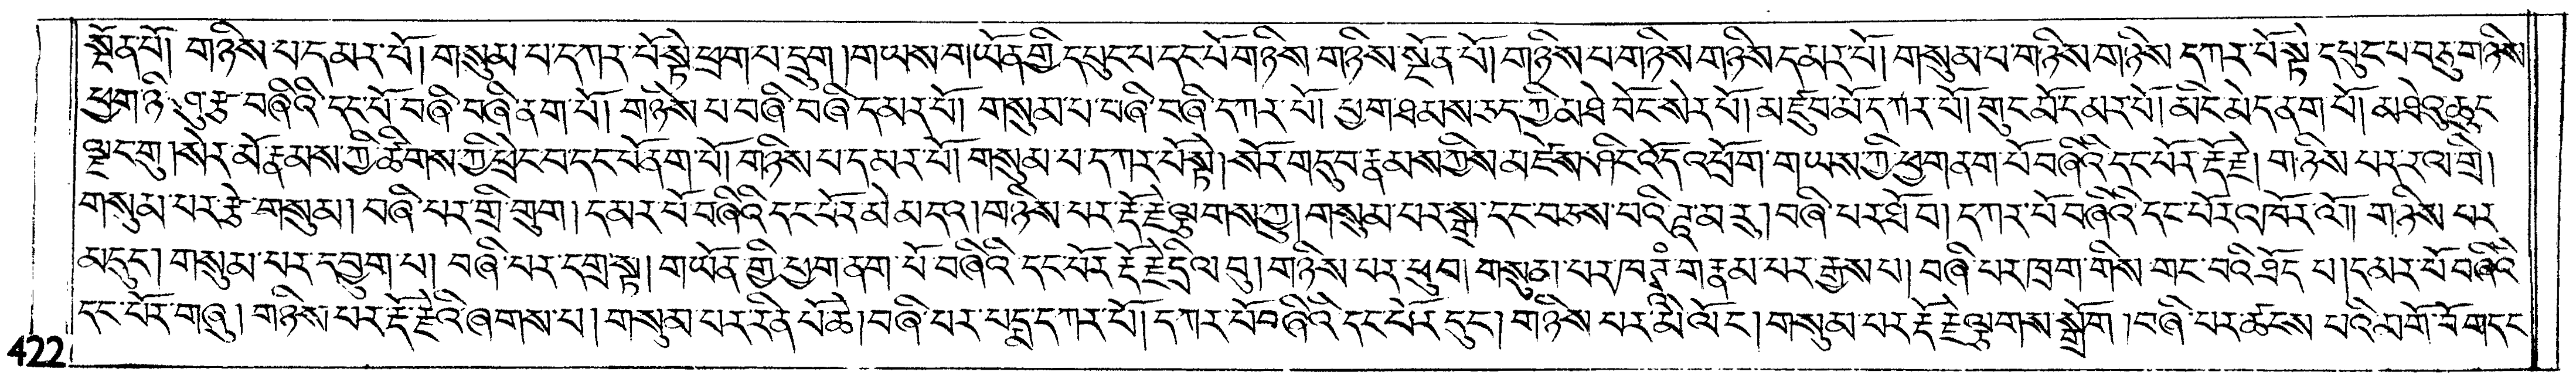སྔོན་པོ། གཉིས་པ་དམར་པོ། གསུམ་པ་དཀར་པོ་སྟེ་ཕྲག་པ་དྲུག །གཡས་གཡོན་གྱི་དཔུང་པ་དང་པོ་གཉིས་གཉིས་སྔོན་པོ། གཉིས་པ་གཉིས་གཉིས་དམར་པོ། གསུམ་པ་གཉིས་གཉིས་དཀར་པོ་སྟེ་དཔུང་པ་བཅུ་གཉིས་
ཕྱག་ཉི་ཤུ་རྩ་བཞིའི་དང་པོ་བཞི་བཞི་ནག་པོ། གཉིས་པ་བཞི་བཞི་དམར་པོ། གསུམ་པ་བཞི་བཞི་དཀར་པོ། ཕྱག་ཐམས་ཅད་ཀྱི་མཐེ་བོང་སེར་པོ། མཛུབ་མོ་དཀར་པོ། གུང་མོ་དམར་པོ། མིང་མེད་ནག་པོ། མཐེའུ་ཆུང་
ལྗང་གུ ། སེར་མོ་རྣམས་ཀྱི་ཚིགས་ཀྱི་ཕྲེང་བ་དང་པོ་ནག་པོ། གཉིས་པ་དམར་པོ། གསུམ་པ་དཀར་པོ་སྟེ། སོར་གདུབ་རྣམས་ཀྱིས་མཛེས་ཤིང་འོད་འཕྲོག་གཡས་ཀྱི་ཕྱག་ནག་པོ་བཞིའི་དང་པོར་རྡོ་རྗེ། གཉིས་པར་རལ་གྲི།
གསུམ་པར་རྩེ་གསུམ། བཞི་པར་གྲི་གུག །དམར་པོ་བཞིའི་དང་པོར་མེ་མདའ། གཉིས་པར་རྡོ་རྗེ་ལྕགས་ཀྱུ། གསུམ་པར་སྒྲ་དང་བཅས་པའི་ཌཱ་མ་རུ། བཞི་པར་ཐོབ། དཀར་པོ་བཞིའི་དང་པོར་འཁོར་ལོ། གཉིས་པར་
མདུང་། གསུམ་པར་དབྱུག་པ། བཞི་པར་དགྲ་སྟ། གཡོན་གྱི་ཕྱག་ནག་པོ་བཞིའི་དང་པོར་རྡོ་རྗེ་དྲིལ་བུ། གཉིས་པར་ཕུབ། གསུམ་པར་ཁཊྭཱཾ་ག་རྣམ་པར་རྒྱས་པ། བཞི་པར་ཁྲག་གིས་གང་བའི་ཐོད་པ། དམར་པོ་བཞིའི་
དང་པོར་གཞུ། གཉིས་པར་རྡོ་རྗེའི་ཞགས་པ། གསུམ་པར་རིན་པོ་ཆེ། བཞི་པར་པདམ་དཀར་པོ། དཀར་པོ་བཞིའི་དང་པོར་དུང་། གཉིས་པར་མེ་ལོང་། གསུམ་པར་རྡོ་རྗེ་ལྕགས་སྒྲོག །བཞི་པར་ཚངས་པའི་མགོ་བོ་གདང་